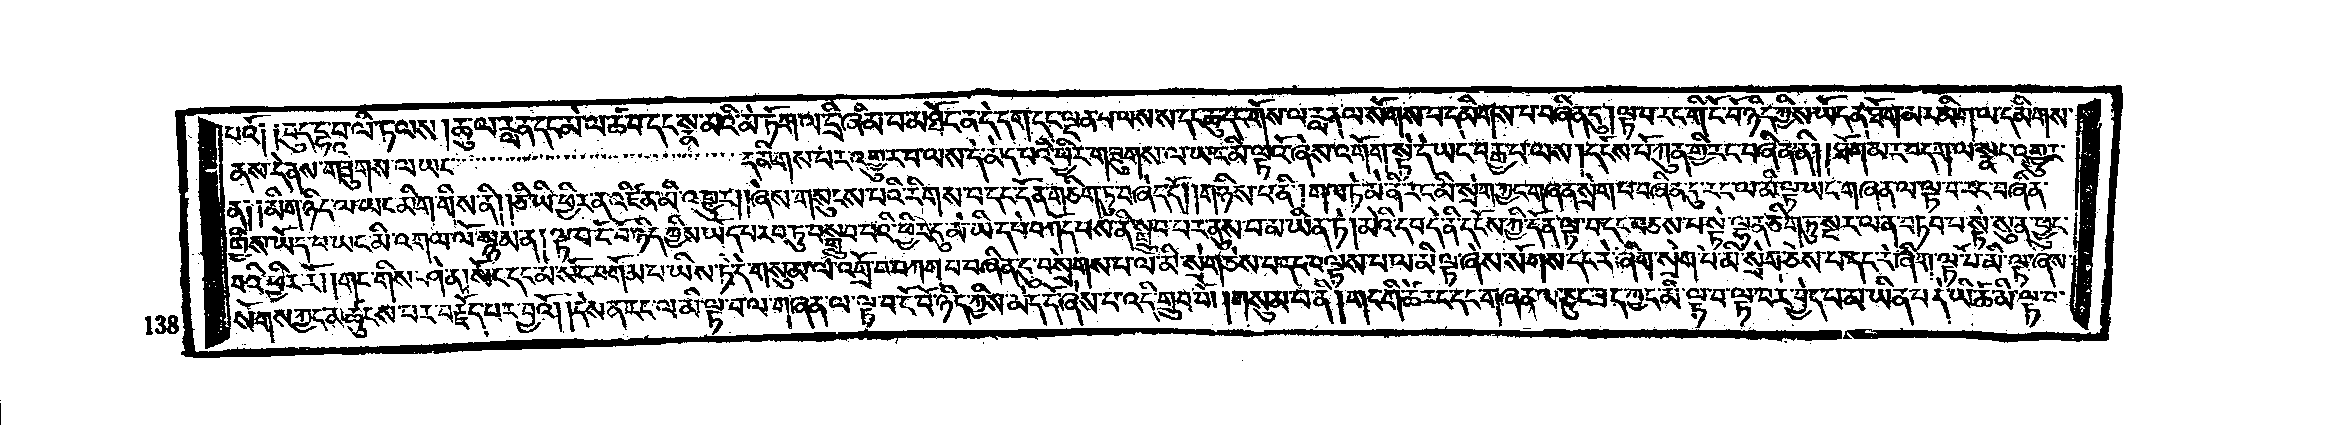པའོ། །བུད་དྷ་པཱ་ལི་ཏ་ལས། ཆུ་ལ་རླན་དང་མེ་ལ་ཚ་བ་དང་སྣ་མའི་མེ་ཏོག་ལ་དྲི་ཞིམ་པ་མཐོང་ན་དེ་དག་དང་ལྡན་པ་ལས་ས་དང་ཆུ་དང་གོས་ལ་རླན་ལ་སོགས་པ་དམིགས་པ་བཞིན་དུ། ལྟ་བ་རང་གི་ངོ་བོ་ཉིད་ཀྱིས་ཡོད་ན་ཐོག་མར་མིག་ལ་དམིགས་
ནས་དེ་ནས་གཟུགས་ལ་ཡང་དམིགས་པར་འགྱུར་བ་ལས་དེ་མེད་པའི་ཕྱིར་གཟུགས་ལ་ཡང་མི་ལྟའོ་ཞེས་འགོག་སྟེ་དེ་ཡང་བརྒྱ་པ་ལས། དངོས་པོ་ཀུན་གྱི་རང་བཞིན་ནི། །ཐོག་མར་བདག་ལ་སྣང་འགྱུར་
ན། །མིག་ཉིད་ལ་ཡང་མིག་གིས་ནི། ཅི་ཡི་བྱིར་ན་འཛིན་མི་འགྱུར། །ཞེས་གསུངས་པའི་རིགས་པ་དང་དོན་གཅིག་ཏུ་བཞེད་དོ། །གཉིས་པ་ནི། གལ་ཏེ་མེ་ནི་རང་མི་སྲེག་ཀྱང་གཞན་སྲེག་པ་བཞིན་དུ་རང་ལ་མི་ལྟ་ཡང་གཞན་ལ་ལྟ་བ་རང་བཞིན་
གྱིས་ཡོད་པ་ཡང་མི་འགལ་ལོ་སྙམ་ན། ལྟ་བ་ངོ་བོ་ཉིད་ཀྱིས་ཡོད་པ་རབ་ཏུ་བསྒྲུབ་པའི་ཕྱིར་དུ་མེ་ཡི་དཔེ་བཀོད་པས་ནི་སྒྲུབ་པར་ནུས་པ་མ་ཡིན་ཏེ། མེའི་དཔེ་དེ་ནི་དངོས་ཀྱི་དོན་ལྟ་བ་དང་བཅས་པ་སྟེ་ལྷན་ཅིག་ཏུ་སྔར་ལན་བཏབ་པ་སྟེ་སུན་ཕྱུང་
པའི་ཕྱིར་རོ། །གང་གིས་ཤེ་ན། སོང་དང་མ་སོང་བགོམ་པ་ཡིས་ཏེ་དེ་གསུམ་ལ་འགྲོ་བ་བཀག་པ་བཞིན་དུ་བསྲེགས་པ་ལ་མི་སྲེག་ཅེས་པ་དང་བལྟས་པ་ལ་མི་ལྟ་ཞེས་སོགས་དང་རེ་ཞིག་སོག་པ་མི་སྲེག་ཅེས་པ་དང་རེ་ཞིག་ལྟ་པོ་མི་ལྟ་ཞེས་
སོགས་ཀྱང་མཚུངས་པར་བརྗོད་པར་བྱའོ། །དེས་ན་རང་ལ་མི་ལྟ་བ་ལ་གཞན་ལ་ལྟ་བ་ངོ་བོ་ཉིད་ཀྱིས་མེད་དོ་ཞེས་པ་འདི་གྲྦུ་བོ། །གསུམ་པ་ནི། གང་གི་ཚེ་རང་དང་གཞན་ལ་ཅུང་ཟད་ཀྱང་མི་ལྟ་བ་ལྟ་བར་བྱེད་པ་མ་ཡིན་པ་དེ་ཡི་ཚེ་མི་ལྟ་བ་